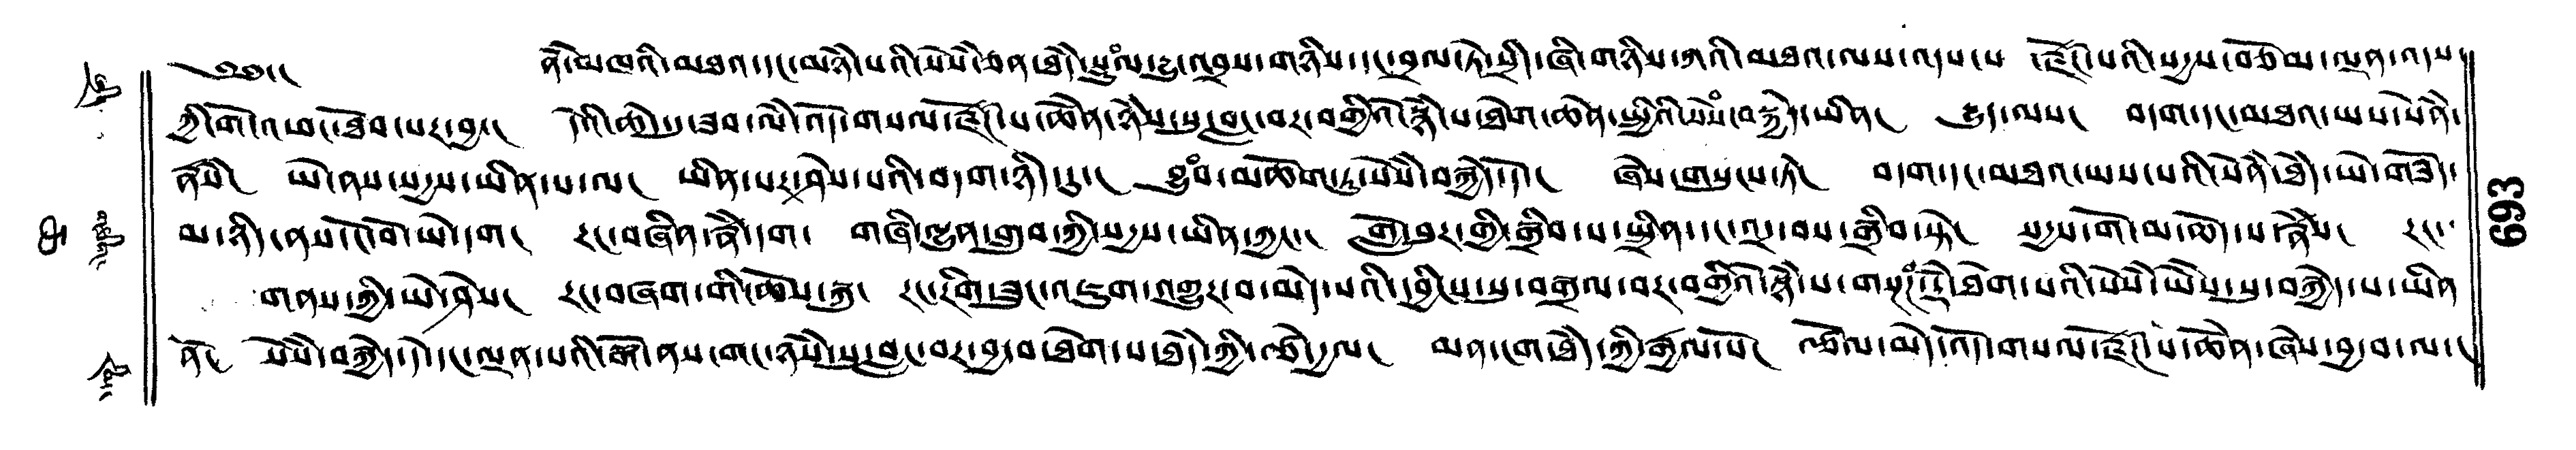༄༅། ནམ་མཁའི་མཐའ་དང་མཉམ་པའི་སེམས་ཅན་ཐམས་ཅད་སྡུག་བསྔལ་རྒྱུ་འབྲས་གཉིས་དང་བྲལ་ཏེ་སྲིད་ཞི་གཉིས་ཀའི་མཐའ་ལས་འདས་པ་རྫོགས་པའི་སངས་རྒྱས་བཅོམ་ལྡན་འདས་
ཀྱི་གོ་འཕང་ཐོབ་པར་བྱ། དེའི་ཆེད་དུ་ཟབ་ལམ་འོད་གསལ་རྫོགས་པ་ཆེན་པོ་ཉམས་སུ་བླང་བར་བགྱིའོ་སྙམ་པ་ཐེག་ཆེན་སྤྱིའི་སེམས་བསྐྱེད་ཡིན། རྒྱུད་ལས། བདག་དང་མཐའ་ཡས་སེམས་ཅན་
རྣམས། །ཡེ་ནས་སངས་རྒྱས་ཡིན་པ་ལ། །ཡིན་པར་ཤེས་པའི་བདག་ཉིད་དུ། །བྱང་ཆུབ་མཆོག་ཏུ་སེམས་བསྐྱེད་དོ། ཞེས་གསུངས་ཏེ། བདག་དང་མཐའ་ཡས་པའི་སེམས་ཅན་ཐམས་ཅད་ཡེ་གཟོད་
མ་ཉིད་ནས་ངོ་བོ་ཡེ་དག རང་བཞིན་རྣམ་དག གཞི་ལྷུན་གྲུབ་ཀྱིས་སངས་རྒྱས་ཡིན་ཀྱང་། གློ་བུར་གྱི་སྒྲིབ་པ་སྤྲིན་དང་འདྲ་བས་བསྒྲིབས་ཏེ། སངས་རྒྱས་གོ་མ་ཆོད་པ་རྣམས། རང་
གནས་ཀྱི་ཡེ་ཤེས། རང་བཞག་གི་ཆོས་སྐུ། རང་རིག་ཟུང་འཇུག་འགྱུར་བ་མེད་པའི་དབྱིངས་སུ་བསྒྲལ་བར་བགྱིའོ་སྙམ་པ་གསང་སྔགས་རྡོ་རྗེ་ཐེག་པའི་སེམས་ཡེ་ཤེས་སུ་བསྐྱེད་པ་ཡིན་
ནོ། སེམས་བསྐྱེད་དེ་དང་ལྡན་པའི་སྒོ་ནས་གང་ཉམས་སུ་བླང་བར་བྱ་བ་ཐེག་པ་ཐམས་ཅད་ཀྱི་རྩེ་རྒྱལ། མན་ངག་ཐམས་ཅད་ཀྱི་རྒྱལ་པོ། རྩོལ་མེད་འོད་གསལ་རྫོགས་པ་ཆེན་པོ་ཞེས་བྱ་བ་ལ།